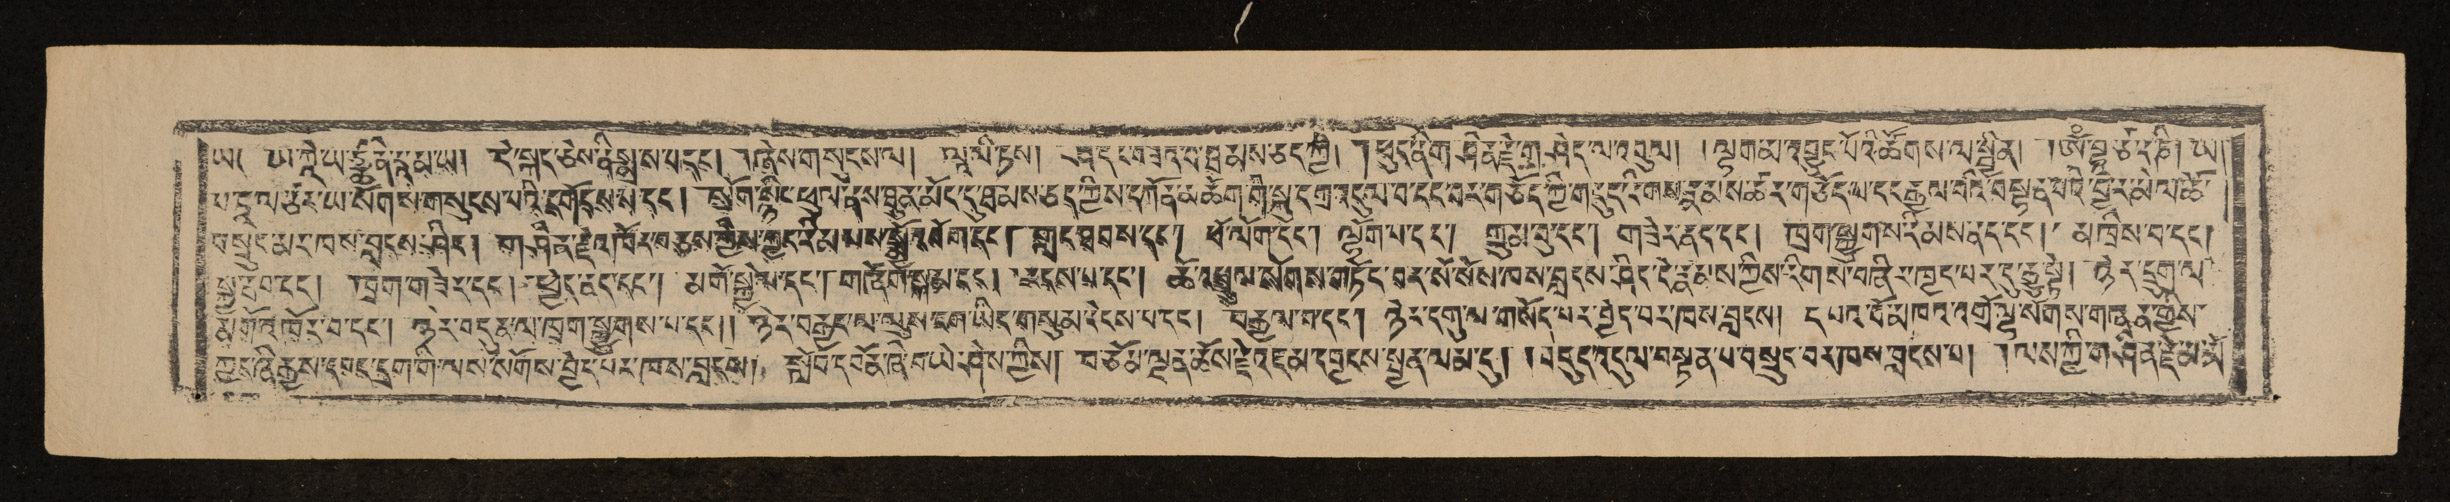ཡ༑ ཡ་ཀྵེ་ཡཙྪ་ནི་རཱ་མ་ཡ། དེ་སྐད་ཅེས་ནི་སྨྲས་པ་དང་། །ཞེས་གསུངས་ལ། ལཱ་ལི་ཏས། ཤ་དང་བཟའ་བ་ཐམས་ཅད་ཀྱི། །ཕུད་ནི་གཤིན་རྗེ་གཤེད་ལ་འབུལ། །ལྷག་མ་འབྱུང་པོའི་ཚོགས་ལ་སྦྱིན། །ཨོཾ་བྷཱུ་ཙ་ར་ཎཾ། ཡ་
པ་ཏཱ་ལ་ཙ་ར་ཡ་སོགས་གསུངས་པའི་དགོངས་པ་དང་། སྲོག་སྙིང་ཕུལ་ནས་ཐུན་མོང་དུ་ཐམས་ཅད་ཀྱིས་དཀོན་མཆོག་གི་སྐུ་དགྲ་འདུལ་བ་དང་བར་གཅོད་ཀྱི་བདུད་རིགས་རྣམས་ཚར་གཅོད་པ་དང་རྒྱལ་བའི་བསྟན་པའི་བྱ་ར་མེལ་ཚེ་
བསྲུང་མར་ཁས་བླངས་ཤིང་། གཤིན་རྗེ་འཁོར་བཅས་ཀྱིས་ཀྱང་རིམ་པས་སྨྱོ་འབོག་དང་། གླང་ཐབས་དང་། ཕོ་ལོག་དང་། ལྷོག་པ་དང་། གྲུམ་བུ་དང་། གཟེར་ནད་དང་། ཁྲག་སྐྱུགས་རིམས་ནད་དང་། མཁྲིས་པ་དང་།
སྐྱ་རྦབ་དང་། ཁྲག་གཟེར་དང་། ཕྱེད་ནད་དང་། མགོ་སྐྱེལ་དང་། གཞོག་སྐམ་དང་། རངས་པ་དང་། ཆོ་འཕྲུལ་སོགས་གཏོང་བར་སོ་སོས་ཁས་བླངས་ཤིང་དེ་རྣམས་ཀྱིས་རིགས་བཞིར་ཁྱད་པར་དུ་རྒྱུ་སྟེ། ཉེར་དྲུག་ལ་
མགོ་འཁོར་བ་དང་། ཉེར་བདུན་ལ་ཁྲག་སྐྱུགས་པ་དང་། ཉེར་བརྒྱད་ལ་ལུས་ངག་ཡིད་གསུམ་རེངས་པ་དང་། བརྒྱལ་བ་དང་། ཉེར་དགུ་ལ་གསོད་པར་བྱེད་པར་ཁས་བླངས། དཔའ་བོ་མཁའ་འགྲོ་ལྷ་སོགས་གཞན་གྱིས་
ཀྱང་ཞི་རྒྱས་དབང་དྲག་གི་ལས་སོགས་བྱེད་བར་ཁས་བླངས། སློབ་དཔོན་ཞི་བ་ཡེ་ཤེས་ཀྱིས། བཅོམ་ལྡན་ཆོས་རྗེ་འཇམ་དབྱངས་སྤྱན་ལམ་དུ། །བདུད་འདུལ་བསྟན་པ་བསྲུང་བར་ཁས་བླངས་པ། །ལས་ཀྱི་གཤིན་རྗེ་མ་མོ་